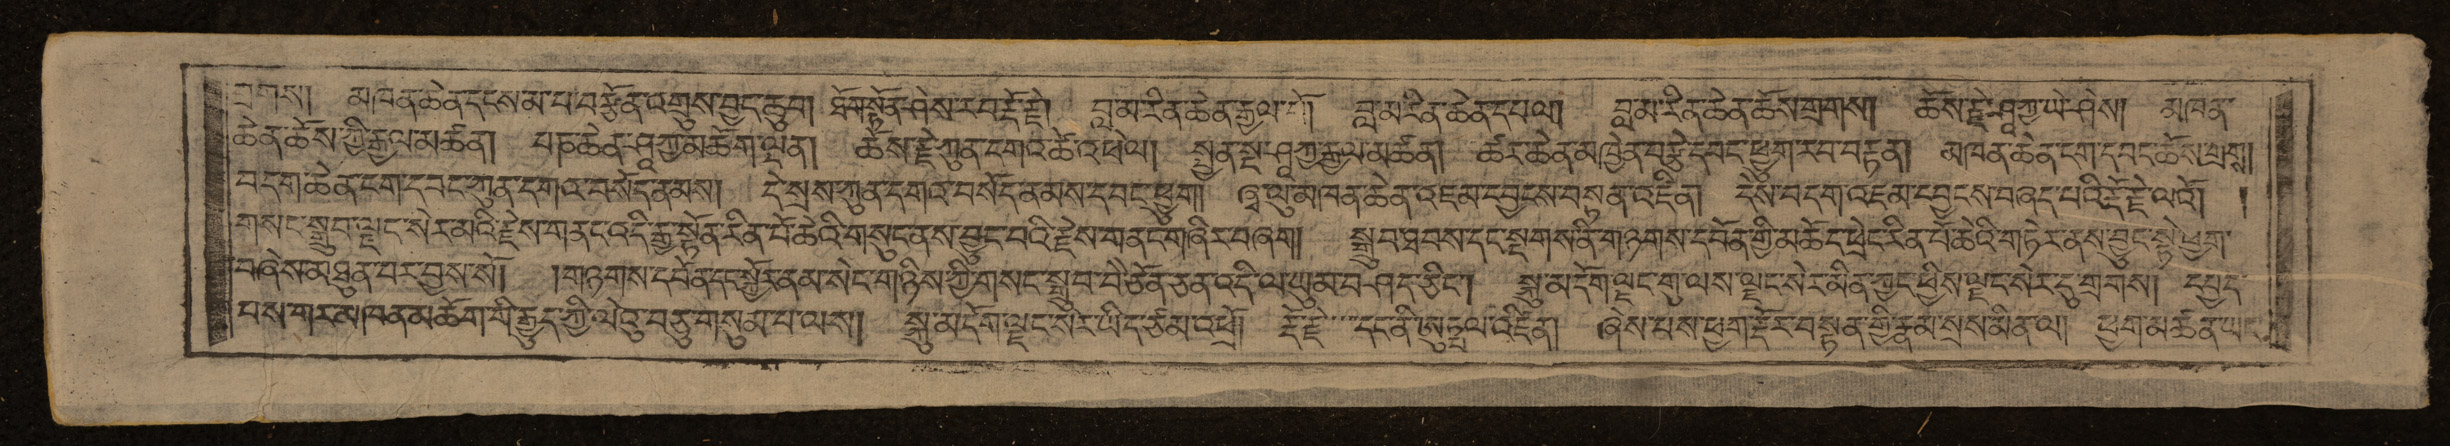གྲགས། མཁན་ཆེན་དངས་མ་པ་བརྩོན་འགྲུས་བྱང་ཆུབ། ཐོག་སྟོན་ཤེས་རབ་རྡོ་རྗེ། བླ་མ་རིན་ཆེན་རྒྱལ་པོ། བླ་མ་རིན་ཆེན་དཔལ། བླ་མ་རིན་ཆེན་ཆོས་གྲགས། ཆོས་རྗེ་ཤཱཀྱ་ཡེ་ཤེས། མཁན་
ཆེན་ཆོས་ཀྱི་རྒྱལ་མཚན། པཎ་ཆེན་ཤཱཀྱ་མཆོག་ལྡན། ཆོས་རྗེ་ཀུན་དགའ་ཚེ་འཕེལ། སྤྱན་སྔ་ཤཱཀྱ་རྒྱལ་མཚན། ཚར་ཆེན་མཁྱེན་བརྩེ་དབང་ཕྱུག་རབ་བརྟན། མཁན་ཆེན་ངག་དབང་ཆོས་གྲགས།
བདག་ཆེན་ངག་དབང་ཀུན་དགའ་བསོད་ནམས། དེ་སྲས་ཀུན་དགའ་བསོད་ནམས་དབང་ཕྱུག། ཞྭ་ལུ་མཁན་ཆེན་འཇམ་དབྱངས་བསྟན་འཛིན། དེས་བདག་འཇམ་དབྱངས་བཞད་པའི་རྡོ་རྗེ་ལའོ། །
གསང་སྒྲུབ་ལྡང་སེར་མའི་རྗེས་གནང་འདི་རྒྱ་སྟོན་རིན་པོ་ཆེའི་གསུང་ནས་བྱུང་བའི་རྗེས་གནང་གཞིར་བཞག། སྒྲུབ་ཐབས་དང་སྔགས་ནི་གཉགས་དབོན་གྱི་མཆོད་ཕྲེང་རིན་པོ་ཆེའི་གཏེར་ནས་བྱུང་སྟེ་ཕྱག་
བཞེས་མཐུན་པར་བྱས་སོ། །གཉགས་དབོན་དང་སྐྱོར་ནམ་སེང་གཉིས་ཀྱི་གསང་སྒྲུབ་བཻ་ཅོན་ཅན་འདི་ལ་ཡུམ་བཤད་ཅིང་། སྐུ་མདོག་ལྗང་གུ་ལས་ལྗང་སེར་མིན་ཀྱང་ཕྱིས་ལྗང་སེར་དུ་གྲགས། དཔྱད་
བས་གར་མཁན་མཆོག་གི་རྒྱུད་ཀྱི་ལེའུ་བཅུ་གསུམ་པ་ལས། སྐུ་མདོག་ལྗང་སེར་ཡིད་ཙམ་འཕྲོ། རྡོ་རྗེ་དང་ནི་ཨུཏྤལ་འཛིན། ཞེས་པས་ཕྱག་རྡོར་བསྟན་གྱི་རྣམ་སྲས་མིན་ལ། ཕྱག་མཚན་ཡང་